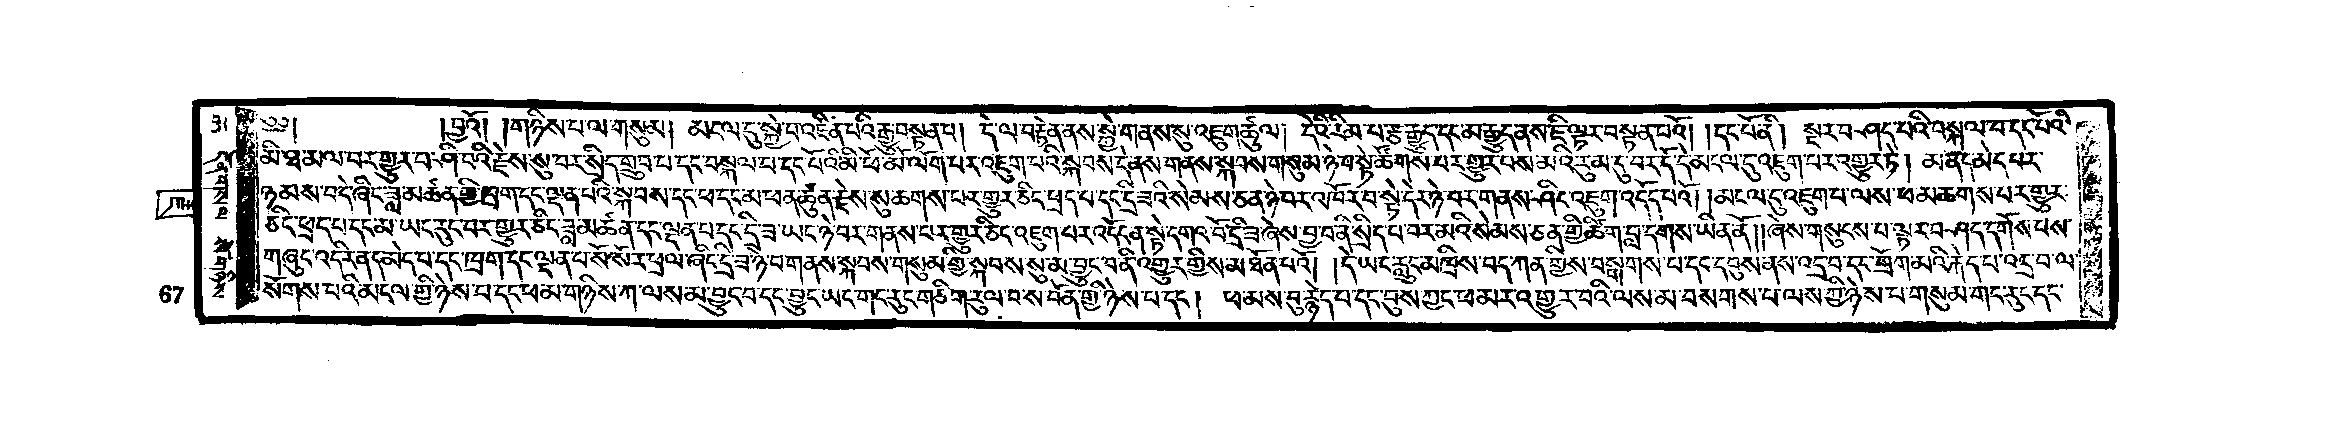༄༅། །བྱའོ། །གཉིས་པ་ལ་གསུམ། མངལ་དུ་སྐྱེ་བ་འཛིན་པའི་རྒྱུ་བསྟན་པ། དེ་ལ་བརྟེན་ནས་སྐྱེ་གནས་སུ་འཇུག་ཚུལ། དེའི་རིམ་པ་རྩ་རྒྱུད་དང་མ་རྒྱུད་ནས་ཇི་ལྟར་བསྟན་པའོ། །དང་པོ་ནི། སྔར་བཤད་པའི་བསྐལ་པ་དང་པོའི་
མི་ཐ་མལ་བར་གྱུར་པ་ཤི་བའི་རྗེས་སུ་བར་སྲིད་གྲུབ་པ་དང་བསྐལ་པ་དང་པོའི་མི་ཕོ་མོ་ལོག་པར་འཇུག་པའི་སྐབས་དེ་ནས་གནས་སྐབས་གསུམ་ཉེ་བ་སྟེ་ཚོགས་པར་གྱུར་པས་མའི་རུམ་དུ་བར་དོ་དེ་མངལ་དུ་འཇུག་པར་འགྱུར་ཏེ། མ་ནད་མེད་པར་
ཉམས་བདེ་ཞིང་ཟླ་མཚན་གྱི་ཁྲག་དང་ལྡན་པའི་སྐབས་དང་ཕ་དང་མ་ཕན་ཚུན་རྗེས་སུ་ཆགས་པར་གྱུར་ཅིང་ཕྲད་པ་དང་དྲི་ཟའི་སེམས་ཅན་ཉེ་བར་འཁོར་བ་སྟེ་དེར་ཉེ་བར་གནས་ཤིང་འཇུག་འདོད་པའོ། །མངལ་དུ་འཇུག་པ་ལས་ཕ་མ་ཆགས་པར་གྱུར་
ཅིང་ཕྲད་པ་དང་མ་ཡང་རུང་བར་གྱུར་ཅིང་ཟླ་མཚན་དང་ལྡན་པ་དང་དྲི་ཟ་ཡང་ཉེ་བར་གནས་པར་གྱུར་ཅིང་འཇུག་པར་འདོད་ན་སྟེ་དགའ་པོ་དྲི་ཟ་ཞེས་བྱ་བ་ནི་སྲིད་པ་བར་མའི་སེམས་ཅན་གྱི་ཚིག་བླ་དགས་ཡིན་ནོ། །ཞེས་གསུངས་པ་ལྟར་བཤད་དགོས་པས་
གཞུང་འདིར་ནད་མེད་པ་དང་ཁྲག་དང་ལྡན་པ་སོ་སོར་ཕྲལ་ཞིང་དྲི་ཟ་ཉེ་བ་གནས་སྐབས་གསུམ་གྱི་སྐབས་སུ་མ་བྱུང་བ་ནི་འགྱུར་གྱིས་མ་ཐོན་པའོ། །དེ་ཡང་རླུང་མཁྲིས་བད་ཀན་གྱིས་བསྒགས་པ་དང་དབུས་ནས་འདྲ་བ་དང་གྲོག་མའི་རྐེད་པ་འདྲ་བ་ལ་
སོགས་པའི་མངལ་གྱི་ཉེས་པ་དང་ཕ་མ་གཉིས་ཀ་ལས་མ་བྱུང་བ་དང་བྱུང་ཡང་གང་རུང་གཅིག་རུལ་བ་ས་བོན་གྱི་ཉེས་པ་དང་། ཕ་མས་བུ་རྙེད་པ་དང་བུས་ཀྱང་ཕ་མར་འགྱུར་བའི་ལས་མ་བསགས་པ་ལས་ཀྱི་ཉེས་པ་གསུམ་གང་རུང་དང་